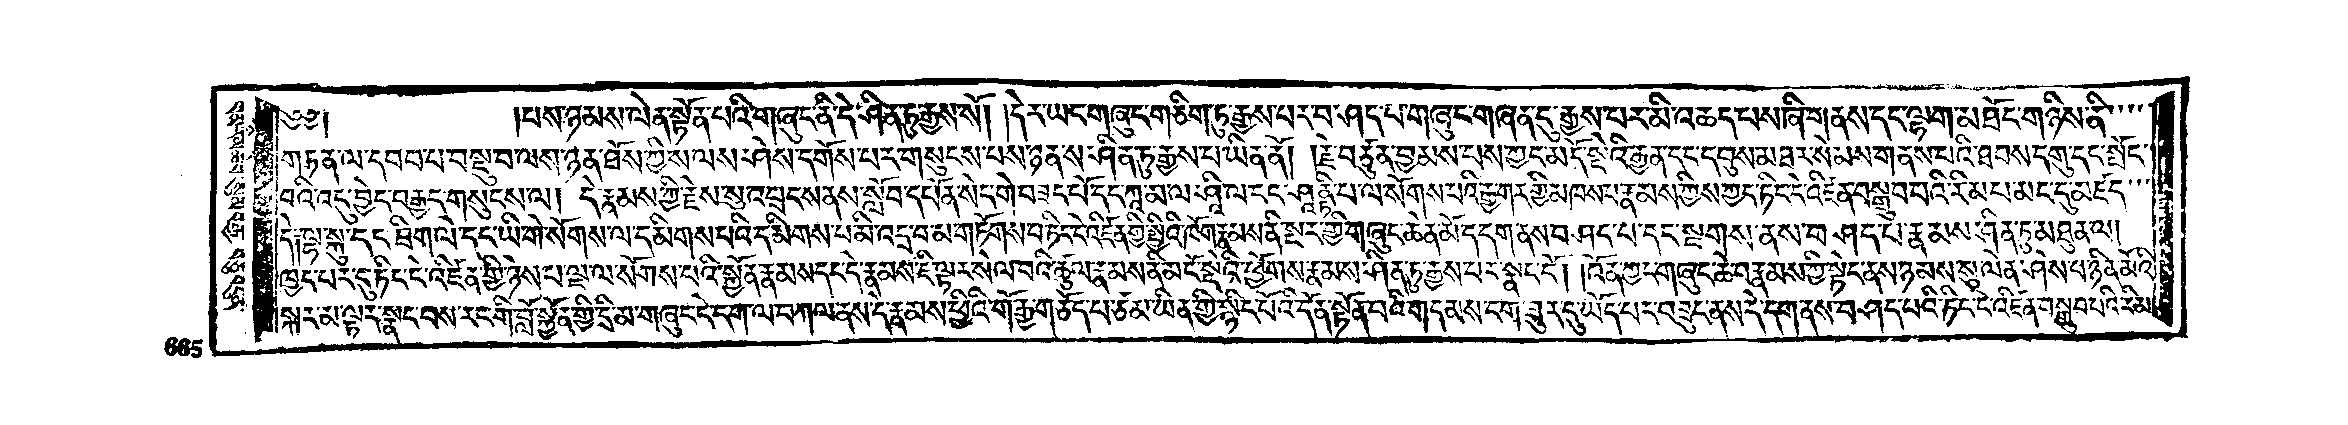༄༅། །པས་ཉམས་ལེན་སྟོན་པའི་གཞུང་ནི་དེ་ཤིན་ཏུ་རྒྱས་སོ། །དེར་ཡང་གཞུང་གཅིག་ཏུ་རྒྱས་པར་བཤད་པ་གཞུང་གཞན་དུ་རྒྱས་པར་མི་འཆད་པས་ཞི་གནས་དང་ལྷག་མཐོང་གཉིས་ནི་
གཏན་ལ་དབབ་པ་བསྡུ་བ་ལས་ཉན་ཐོས་ཀྱི་ས་ལས་ཤེས་དགོས་པར་གསུངས་པས་ཉན་ས་ཤིན་ཏུ་རྒྱས་པ་ཡིན་ནོ། །རྗེ་བཙུན་བྱམས་པས་ཀྱང་མདོ་སྡེའི་རྒྱན་དང་དབུས་མཐར་སེམས་གནས་པའི་ཐབས་དགུ་དང་སྤོང་
བའི་འདུ་བྱེད་བརྒྱད་གསུངས་ལ། དེ་རྣམས་ཀྱི་རྗེས་སུ་འབྲངས་ནས་སློབ་དཔོན་སེང་གེ་བཟང་པོ་དང་ཀཱ་མ་ལ་ཤཱི་ལ་དང་ཤཱནྟི་པ་ལ་སོགས་པའི་རྒྱ་གར་གྱི་མཁས་པ་རྣམས་ཀྱིས་ཀྱང་ཏིང་ངེ་འཛིན་བསྒྲུབ་པའི་རིམ་པ་མང་དུ་མཛད་
དེ༑ ལྷ་སྐུ་དང་ཐིག་ལེ་དང་ཡི་གེ་སོགས་ལ་དམིགས་པའི་དམིགས་པ་མི་འདྲ་བ་མ་གཏོགས་པ་ཏིང་ངེ་འཛིན་གྱི་སྤྱིའི་ཁོག་རྣམས་ནི་སྔར་གྱི་གཞུང་ཆེན་མོ་དེ་དག་ནས་བཤད་པ་དང་སྔགས་ནས་བཤད་པ་རྣམས་ཤིན་ཏུ་མཐུན་ལ།
ཁྱད་པར་དུ་ཏིང་ངེ་འཛིན་གྱི་ཉེས་པ་ལྔ་ལ་སོགས་པའི་སྐྱོན་རྣམས་དང་དེ་རྣམས་ཇི་ལྟར་སེལ་བའི་ཚུལ་རྣམས་ནི་མདོ་སྡེའི་ཕྱོགས་རྣམས་ཤིན་ཏུ་རྒྱས་པར་སྣང་ངོ། །འོན་ཀྱང་གཞུང་ཆེ་བ་རྣམས་ཀྱི་སྟེང་ནས་ཉམས་སུ་ལེན་ཤེས་པ་ཉིན་མོའི་
སྐར་མ་ལྟར་སྣང་བས་རང་གི་བློ་སྐྱོན་གྱི་དྲི་མ་གཞུང་དེ་དག་ལ་བཀལ་ནས་དེ་རྣམས་ཕྱིའི་གོ་རྒྱ་གཅོད་པ་ཙམ་ཡིན་གྱི་སྙིང་པོའི་དོན་སྟོན་པའི་གདམས་ངག་ཟུར་དུ་ཡོད་པར་བཟུང་ནས་དེ་དག་ནས་བཤད་པའི་ཏིང་ངེ་འཛིན་བསྒྲུབ་པའི་རིམ་